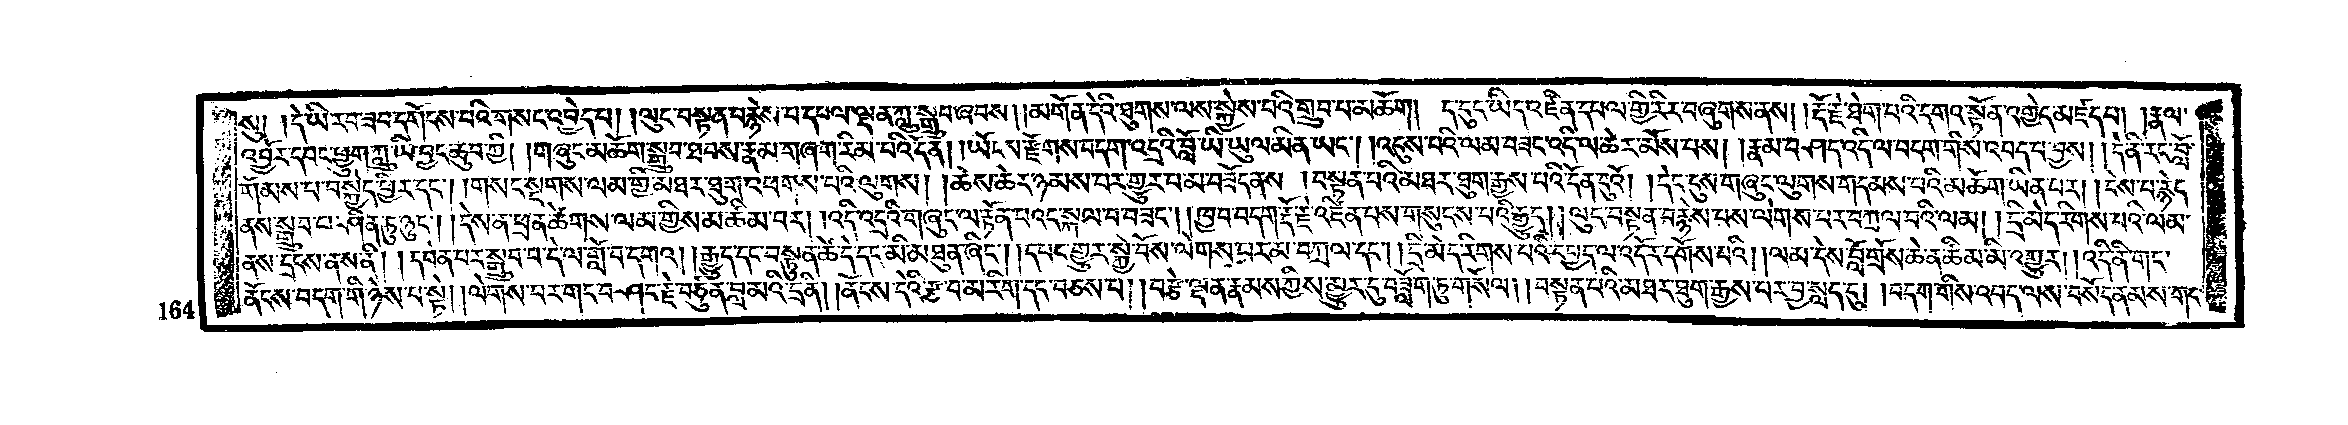སུ། །དེ་ཡི་ཟབ་དགོངས་པའི་གསང་འབྱེད་པ། །ལུང་བསྟན་བརྙེས་པ་དཔལ་ལྡན་ཀླུ་སྒྲུབ་ཞབས། །མགོན་དེའི་ཐུགས་ལས་སྐྱེས་པའི་གྲུབ་པ་མཆོག། ད་དུང་ཡིད་འཛིན་དཔལ་གྱི་རིར་བཞུགས་ནས། །རྡོ་རྗེ་ཐེག་པའི་དགའ་སྟོན་འགྱེད་མཛད་པ། །རྣལ་
འབྱོར་དབང་ཕྱུག་ཀླུ་ཡི་བྱང་ཆུབ་ཀྱི། །གཞུང་མཆོག་སྒྲུབ་ཐབས་རྣམ་གཞག་རིམ་པའི་དོན། །ཡོངས་རྫོགས་བདག་འདྲའི་བློ་ཡི་ཡུལ་མིན་ཡང་། །འདུས་པའི་ལམ་བཟང་འདི་ལ་ཆེར་མོས་པས། །རྣམ་བཤད་འདི་ལ་བདག་གིས་འབད་པ་བྱས། །དེ་ནི་རང་བློ་
གོམས་པ་བསྐྱད་ཕྱིར་དང་། །གསང་སྔགས་ལམ་གྱི་མཐར་ཐུག་འཕགས་པའི་ལུགས། །ཆེས་ཆེར་ཉམས་པར་གྱུར་པ་མ་བཟོད་ནས་།བསྟན་པའི་མཐར་ཐུག་རྒྱས་པའི་དོན་དུའོ། །དེང་དུས་གཞུང་ལུགས་གདམས་པའི་མཆོག་ཡིན་པར། །ངེས་པ་རྙེད་
ནས་སྒྲུབ་པ་ཤིན་ཏུ་ཉུང་། །དེས་ན་ཕྲན་ཚེགས་ལམ་གྱིས་མ་ཚིམ་པར། །འདི་འདྲའི་གཞུང་ལ་རྟོན་པའང་སྐལ་བཟང་། །ཁྱབ་བདག་རྡོ་རྗེ་འཛིན་པས་གསུངས་པའི་རྒྱུད། །ལུང་བསྟན་བརྙེས་པས་ལེགས་པར་བཀྲལ་བའི་ལམ། །དྲི་མེད་རིགས་པའི་ལམ་
ནས་དྲངས་ནས་ནི། །དབེན་པར་སྒྲུབ་པ་དེ་ལ་གློ་བ་དགའ། །རྒྱུད་དང་བསྟུན་ཚེ་དེ་དང་མི་མཐུན་ཞིང་། །དཔང་གྱུར་སྐྱེ་བོས་ལེགས་པར་མ་བཀྲལ་དང་། །དྲི་མེད་རིགས་པའི་དཔྱད་ལ་འདོར་དགོས་པའི། །ལམ་དེས་བློ་གྲོས་ཆེ་ན་ཚིམ་མི་འགྱུར། །འདི་ནི་གང་
ནོངས་བདག་གི་ཉེས་པ་སྟེ། །ལེགས་པར་གང་བཤད་རྗེ་བཙུན་བླ་མའི་དྲ་ནི། །ནོངས་པའི་རྩ་བ་མ་རིག་དང་བཅས་པ། །བརྩེ་ལྡན་རྣམས་ཀྱིས་མྱུར་དུ་བཟློག་ཏུ་གསོལ། །བསྟན་པའི་མཐར་ཐུག་རྒྱས་པས་བྱ་སླད་དུ། །བདག་གིས་འབད་ལས་བསོད་ནམས་གང་